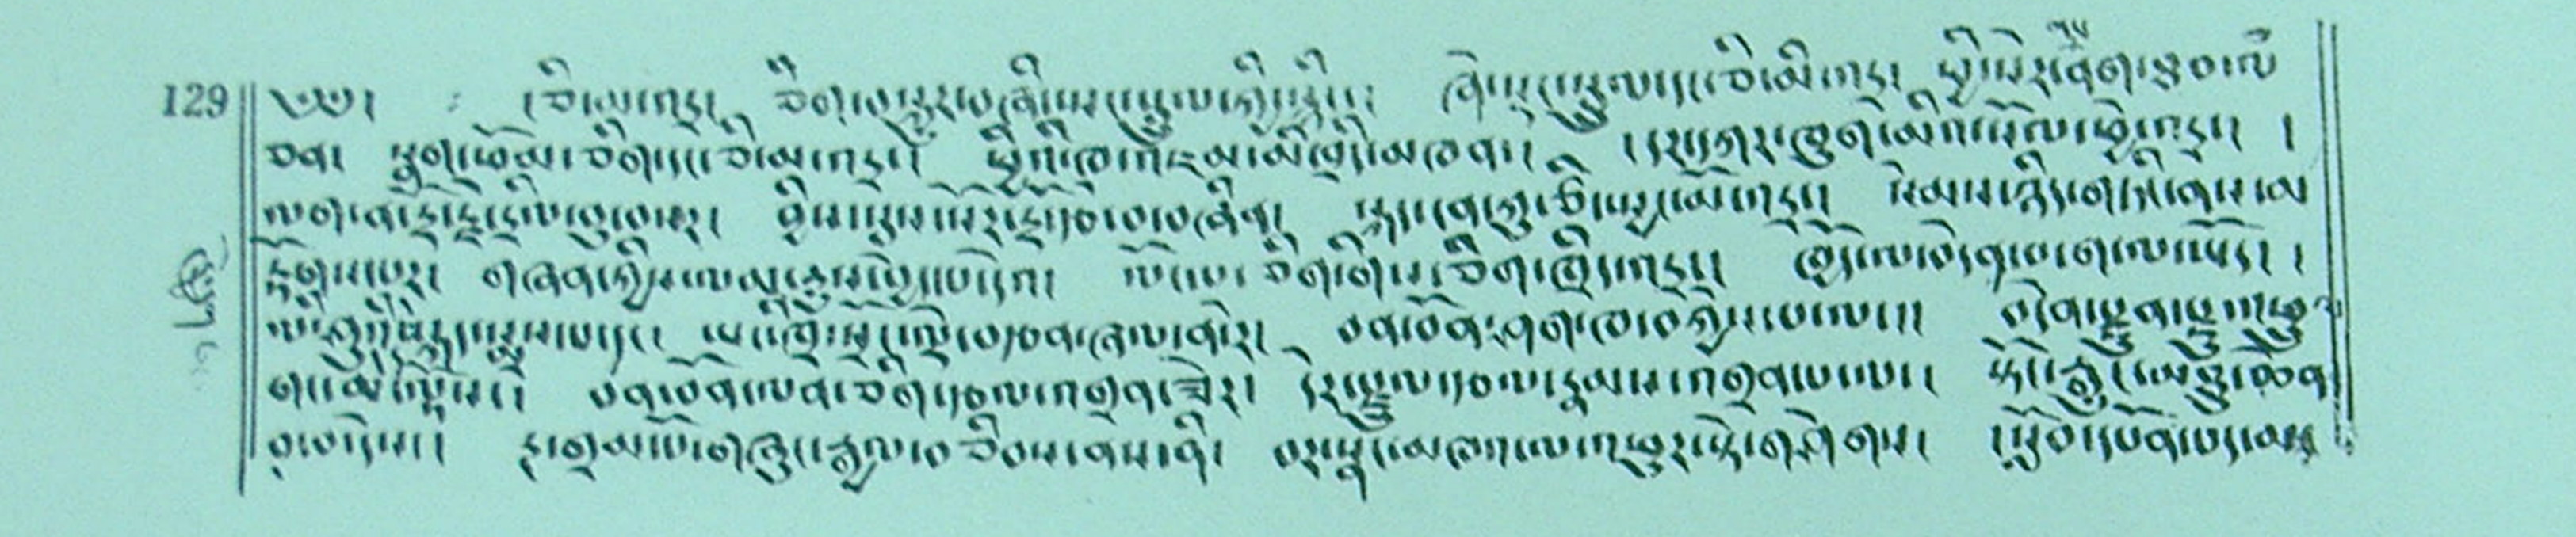༄༅། །ཅི་མ་འདྲ། ཅིག་བསྐྱུར་བཞི་ཡང་སྦྲུལ་གྱི་སྙིང་། ཞེ་སྡང་སྦྲུལ་དང་ཅི་མི་འདྲ། ཕྱི་སེར་ནང་ནག་ཐབས་ལམ་
ཅན། སྣག་ཕོམ་ཅིག་དང་ཅི་མ་འདྲ། ཕྱིའི་ཁ་འཇམ་མི་བྲིད་མཁན། དར་དཀར་ཁུག་མའི་སོལ་ཕྱེ་འདྲ། 
ལག་ན་རྡོ་རྗེ་དྲིལ་བུ་བསཊ། བྱིས་པས་སོར་རྡོ་རྩ་བ་བཞིན། སྐད་ངན་ཀུ་ཙི་སྤྱང་མོ་འདྲ། སེམས་ཉིད་གཏིང་ནས་མ་
རྟོགས་པར། གཞན་གྱི་ལམ་རྒྱུད་བྱེད་པ་དེ། ལོང་བ་གཅིག་གིས་གཅིག་ཁྲིད་འདྲ། ཁྱོད་ལ་བདེན་པ་ག་ན་ཡོད། 
ལི་ཤུས་དེ་སྐད་སྨྲས་པ་དང་། ཡང་ཁྲི་སྲོང་ལྡེ་བཙན་ཞལ་ན་རེ། བན་བོན་ཤག་ཁ་བཀྱེས་པ་ལས། བདེན་རྫུན་རྫུ་འཕྲུལ་
གང་ཆེ་ལྟོས། བན་བོན་ལན་གཅིག་རྩལ་འགྲན་ཟེར། དེར་རྫུ་འཕྲུལ་རྩལ་རྣམས་འགྲན་པ་ལ། སྟོང་རྒྱུང་མཐུ་ཆེན་
བྱ་བ་དེས། རྔ་གྲམ་བོ་གཞུང་རྒྱལ་བཅིབས་ནས་ནི། བར་སྣང་མཁའ་ལ་འཕུར་ཏེ་གཤེགས། སློབ་དཔོན་པད་མ་